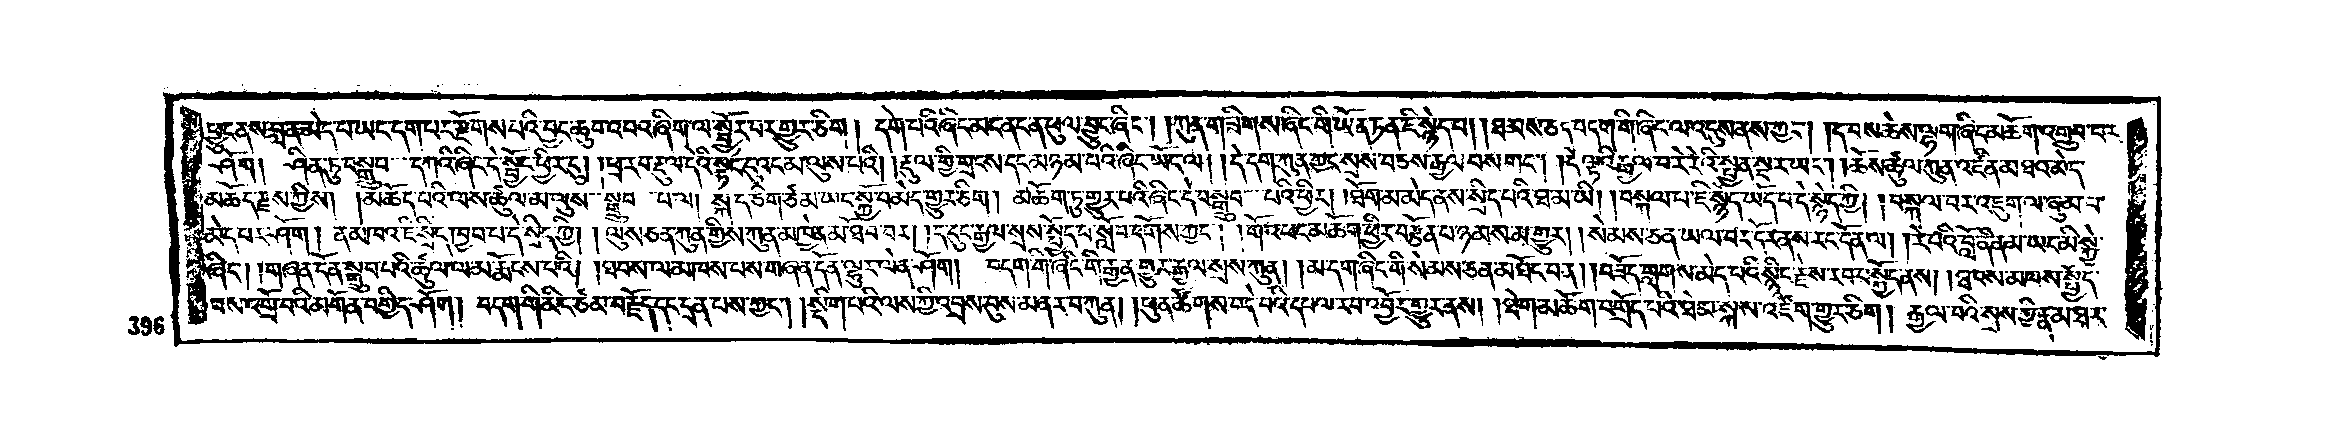ཕུང་ནས་བླ་ན་མེད་པ་ཡང་དག་པར་རྫོགས་པའི་བྱང་ཆུབ་འབའ་ཞིག་ལ་སྦྱོར་བར་གྱུར་ཅིག། དག་པའི་ཞིང་མང་ནང་ན་ཕུལ་བྱུང་ཞིང་། །ཀུན་གཟིགས་ཞིང་གི་ཡོན་ཏན་ཇི་སྙེད་པ་།ཐམས་ཅད་བདག་གི་ཞིང་ལ་འདུས་ནས་ཀྱང་། །ད་བས་ཆེས་ལྷག་ཞིང་མཆོག་འགྲུབ་པར་
ཤོག །ཤིན་ཏུ་བསྒྲུབ་དཀའི་ཞིང་དེ་སྦྱོང་ཕྱིར་དུ། །ཕྲ་རབ་རྡུལ་དེའི་སྟེང་དུའང་མ་ལུས་པའི། །རྡུལ་གྱི་གྲངས་དང་མཉམ་པའི་ཞིང་ཡིད་ལ། །དེ་དག་ཀུན་ཀྱང་སྲས་བཅས་རྒྱལ་བས་གང་། །དེ་ལྟའི་རྒྱལ་བ་རེ་རེའི་སྤྱན་སྔར་ཡང་། །ཆོས་ཚུལ་ཀུན་འཛིན་མཐའ་མེད་
མཆོད་རྫས་ཀྱིས། །མཆོད་པའི་ལས་ཚུལ་མ་ལུས་སྒྲུབ་པ་ལ། སྐད་ཅིག་ཙམ་ཡང་སྐྱོ་བ་མེད་གྱུར་ཅིག། མཆོག་ཏུ་གྱུར་པའི་ཞིང་དེ་བསྒྲུབ་པའི་ཕྱིར། །ཐོག་མ་མེད་ནས་སྲིད་པའི་ཐ་མ་ཡི། །བསྐལ་པ་ཇི་སྙེད་ཡོད་པ་དེ་སྙེད་ཀྱི། །བསྐལ་བར་འཇུག་ལ་ཞུམ་པ་
མེད་པར་ཤོག། ནམ་མཁའ་ཇི་སྲིད་ཁྱབ་པ་དེ་སྲིད་ཀྱི། །ལུས་ཅན་ཀུན་གྱིས་ཀུན་མཁྱེན་མ་ཐོབ་པར། །ད་དུང་རྒྱལ་སྲས་སྤྱོད་པ་སློབ་དགོས་ཀྱང་། །གོ་འཕང་མཆོག་ཕྱིར་བརྩོན་པ་ཉམས་མ་གྱུར། །སེམས་ཅན་ཡལ་བར་དོར་ནས་རང་དོན་ལ། །རེ་བའི་བློ་ནི་ནམ་ཡང་མི་སྐྱེ་
ཞིང་། །གཞན་དོན་སྒྲུབ་པའི་ཚུལ་ལ་མ་རྨོངས་པའི། །ཐབས་ལ་མཁས་པས་གཞན་དོན་ལྷུར་ལེན་ཤོག། བདག་གི་ཞིང་གི་རྒྱན་གྱུར་རྒྱལ་སྲས་ཀུན། །མ་དག་ཞིང་གི་སེམས་ཅན་མཐོང་བ་ན། །བཟོད་གླགས་མེད་པའི་སྙིང་རྗེས་རབ་བསྐྱོད་ནས། །ཐབས་མཁས་སྤྱོད་
པས་འགྲོ་བའི་མགོན་བགྱིད་ཤོག། བདག་གི་མིང་ཙམ་བརྗོད་དང་དྲན་པས་ཀྱང་། །སྡིག་པའི་ལས་ཀྱི་འབྲས་བུས་མནར་བ་ཀུན། །ཕུན་ཚོགས་བདེ་བའི་དཔལ་རབ་འབྱོར་གྱུར་ནས། །ཐེག་མཆོག་བགྲོད་པའི་ཐེམ་སྐས་འཛེག་གྱུར་ཅིག། རྒྱལ་བའི་སྲས་ཀྱི་རྣམ་ཐར་